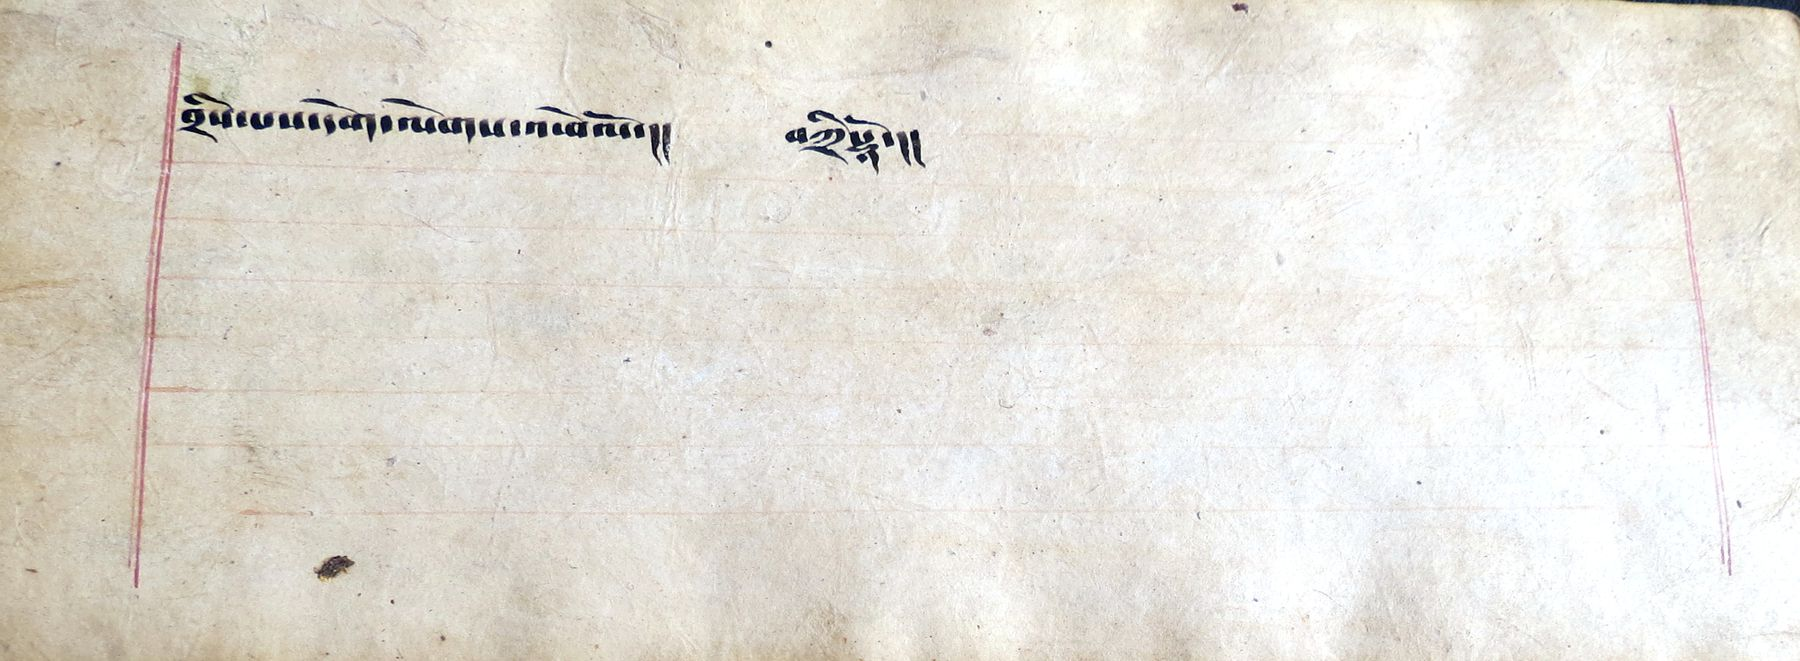བྲིས་པས་དགེ་ལེགས་འཕེལ་ལོ། །བཀྲ་ཤིས་སོ། །